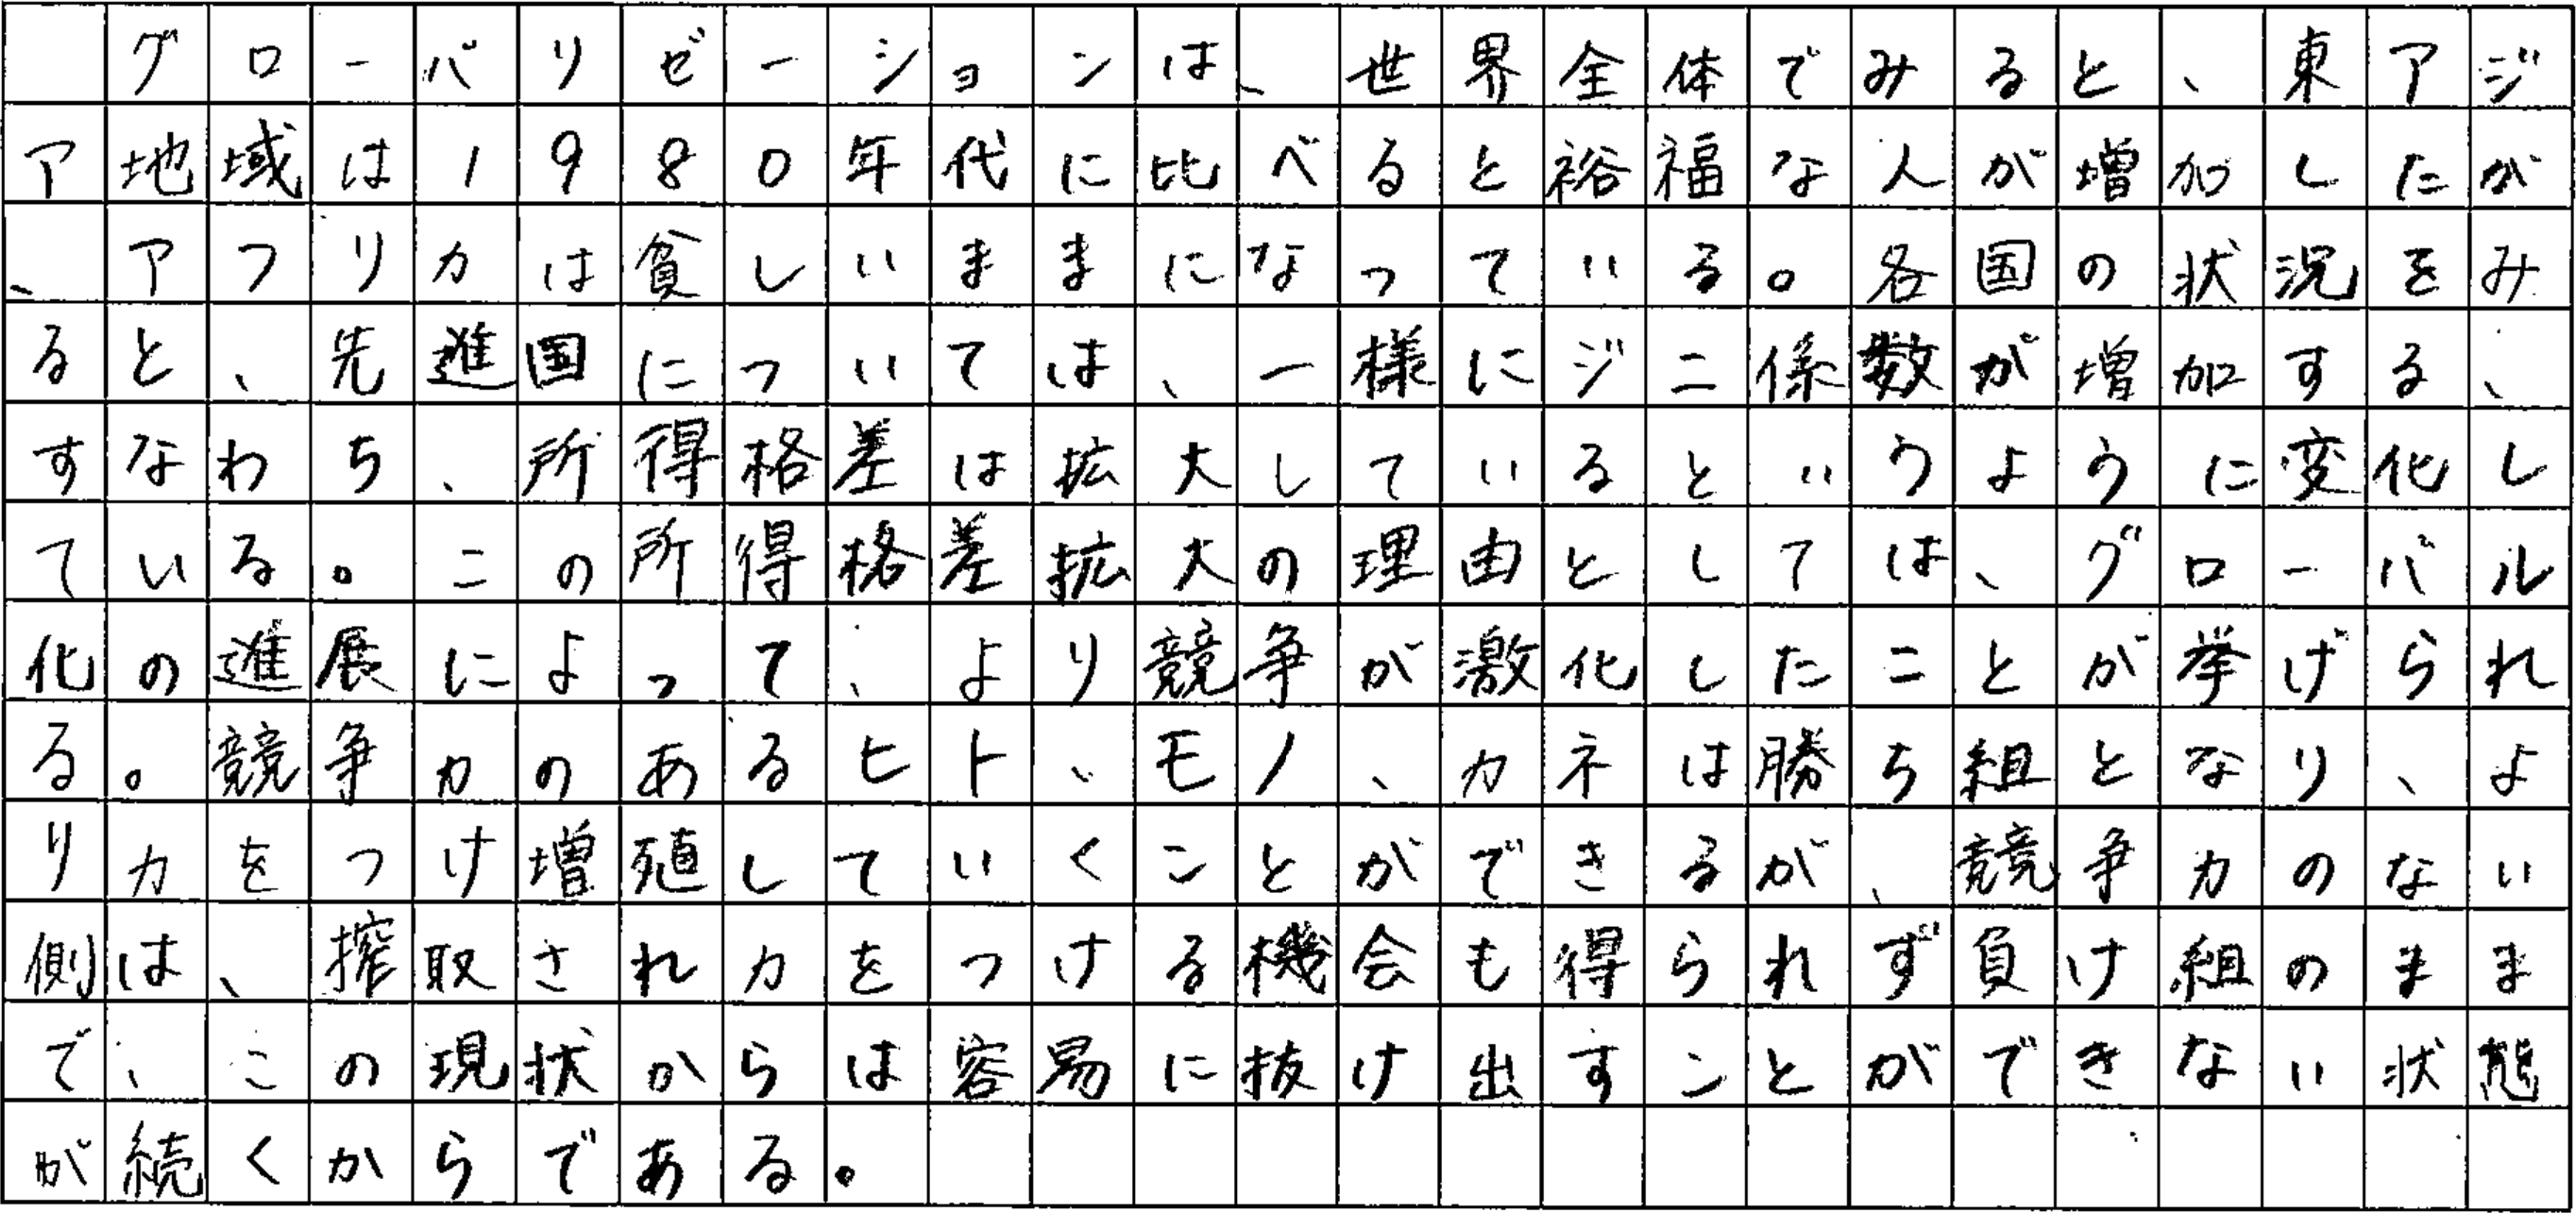　グローバリゼーションは、世界全体でみると、東アジア地域は１９８０年代に比べると裕福な人が増加したが、アフリカは貧しいままになっている。各国の状況をみると、先進国については、一様にジニ係数が増加する、すなわち、所得格差は拡大しているというように変化している。この所得格差拡大の理由としては、グローバル化の進展によって、より競争が激化したことが挙げられる。競争力のあるヒト、モノ、カネは勝ち組となり、より力をつけ増殖していくことができるが、競争力のない側は、搾取され力をつける機会も得られず負け組のままで、この現状からは容易に抜け出すことができない状態が続くからである。
